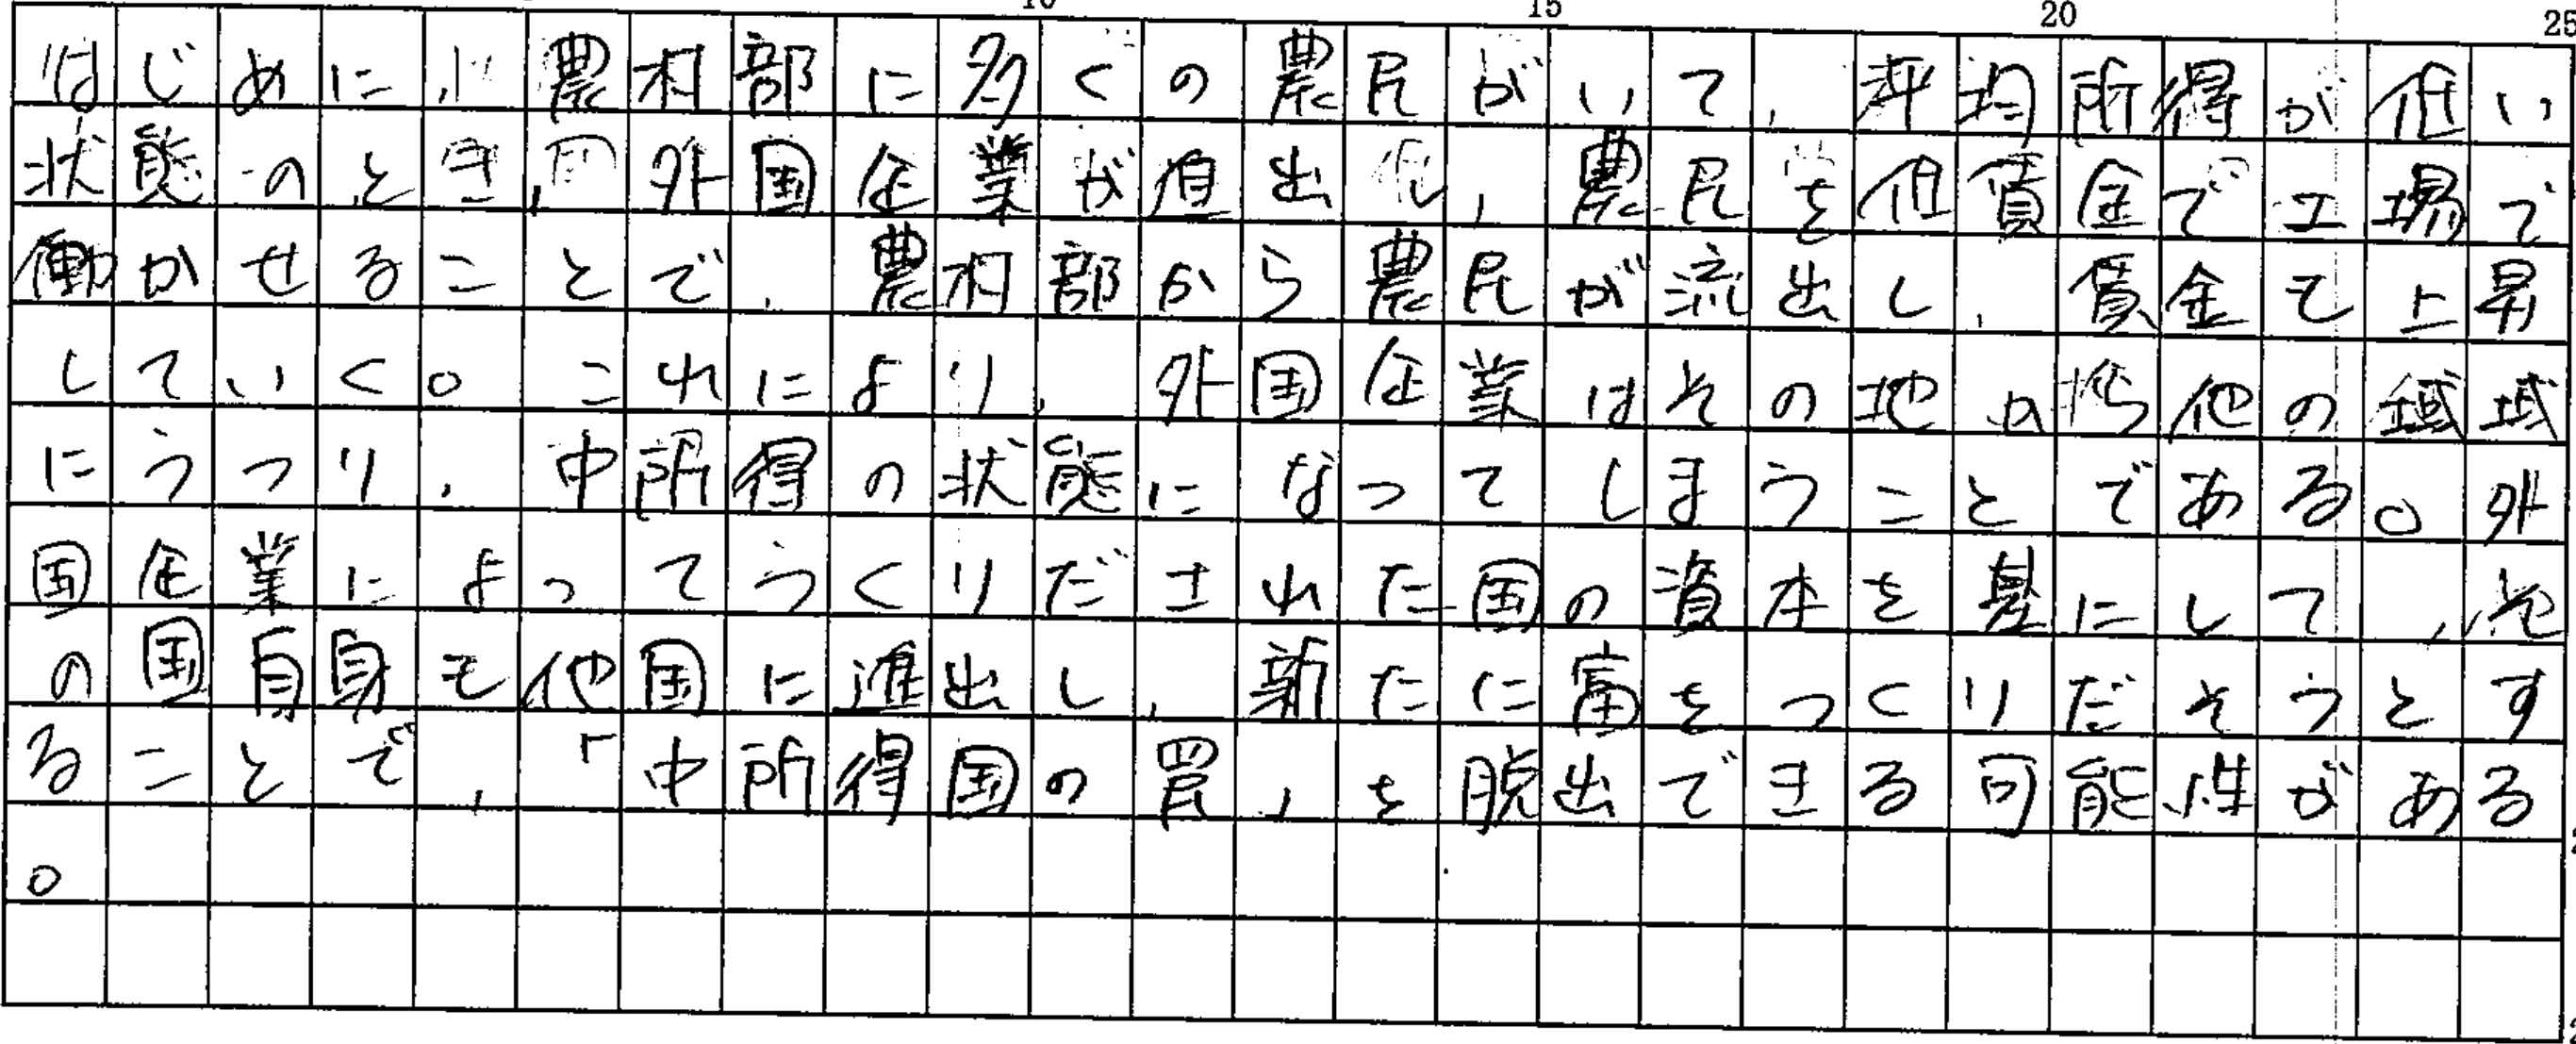はじめに，農村部に多くの農民がいて，平均所得が低い状態のとき，外国企業が進出し，農民を低賃金で工場で働かせることで，農村部から農民が流出し，賃金も上昇していく。これにより，外国企業はその他から他の域域にうつり，中所得の状態になってしまうことである。外国企業によってつくりだされた国の資本を基にして，その国自身も他国に進出し，新たに富をつくりだそうとすることで，「中所得国の罠」を脱出できる可能性がある。
